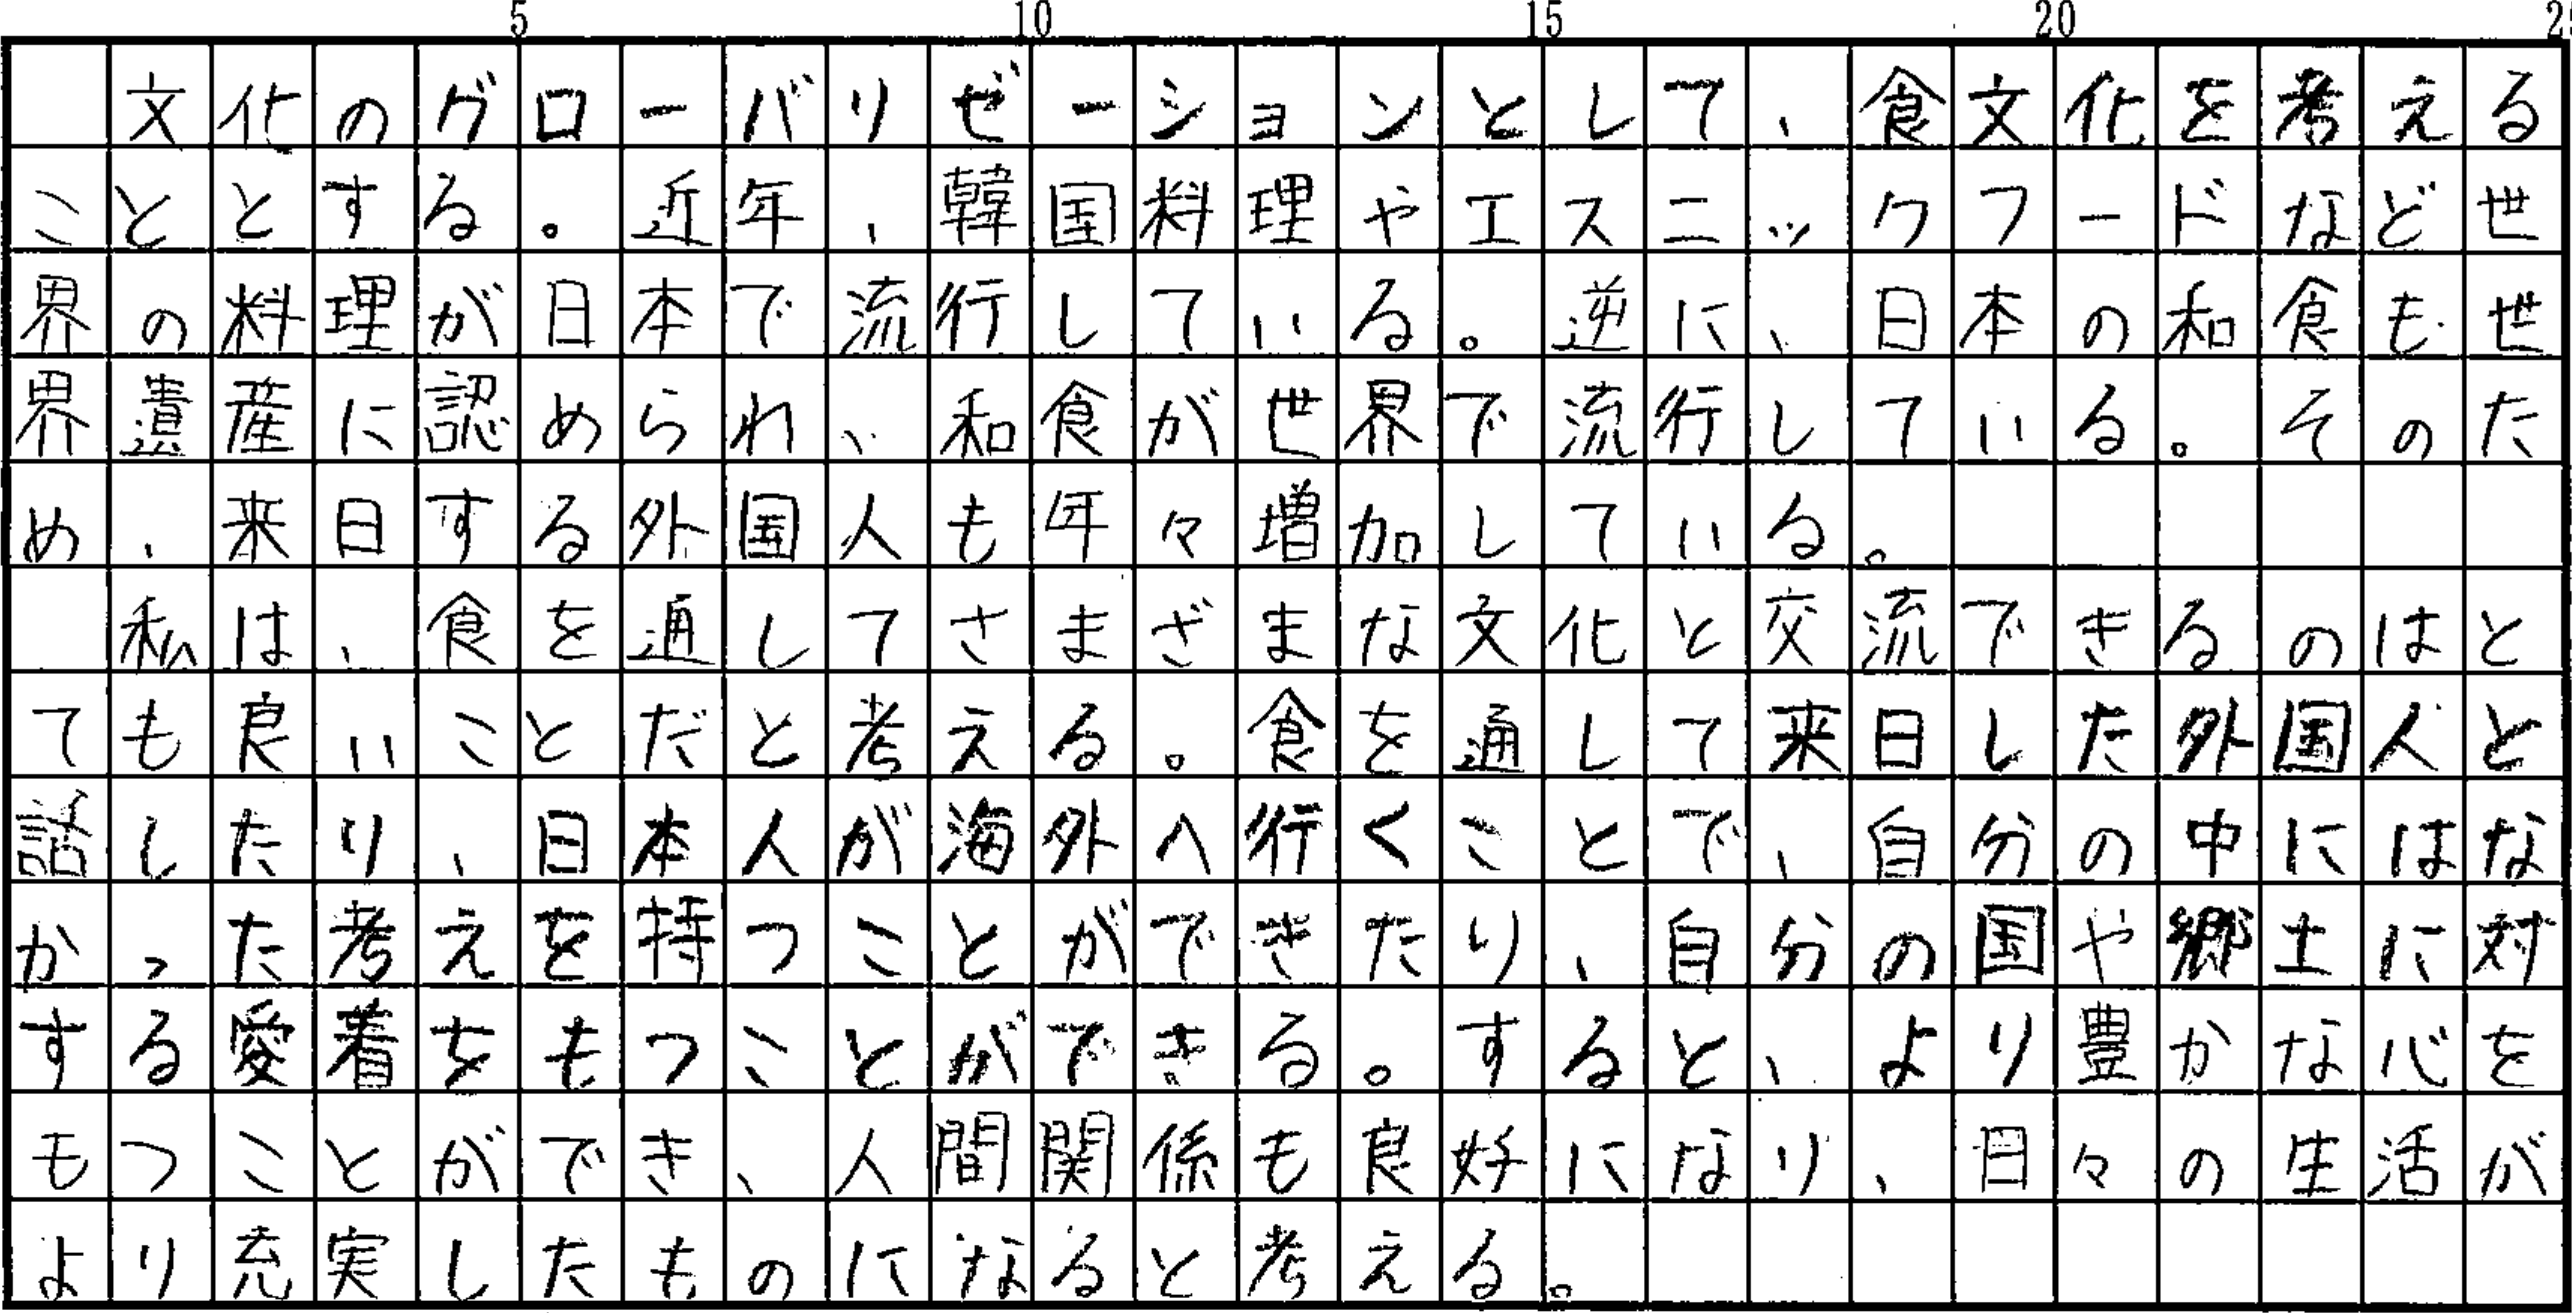　文化のグローバリゼーションとして、食文化を考えることとする。近年、韓国料理やエスニックフードなど世界の料理が日本で流行している。逆に、日本の和食も世界遺産に認められ、和食が世界で流行している。そのため、来日する外国人も年々増加している。
　私は、食を通してさまざまな文化と交流できるのはとても良いことだと考える。食を通して来日した外国人と話したり、日本人が海外へ行くことで、自分の中にはなかった考えを持つことができたり、自分の国や郷土に対する愛着をもつことができる。すると、より豊かな心をもつことができ、人間関係も良好になり、日々の生活がより充実したものになると考える。
